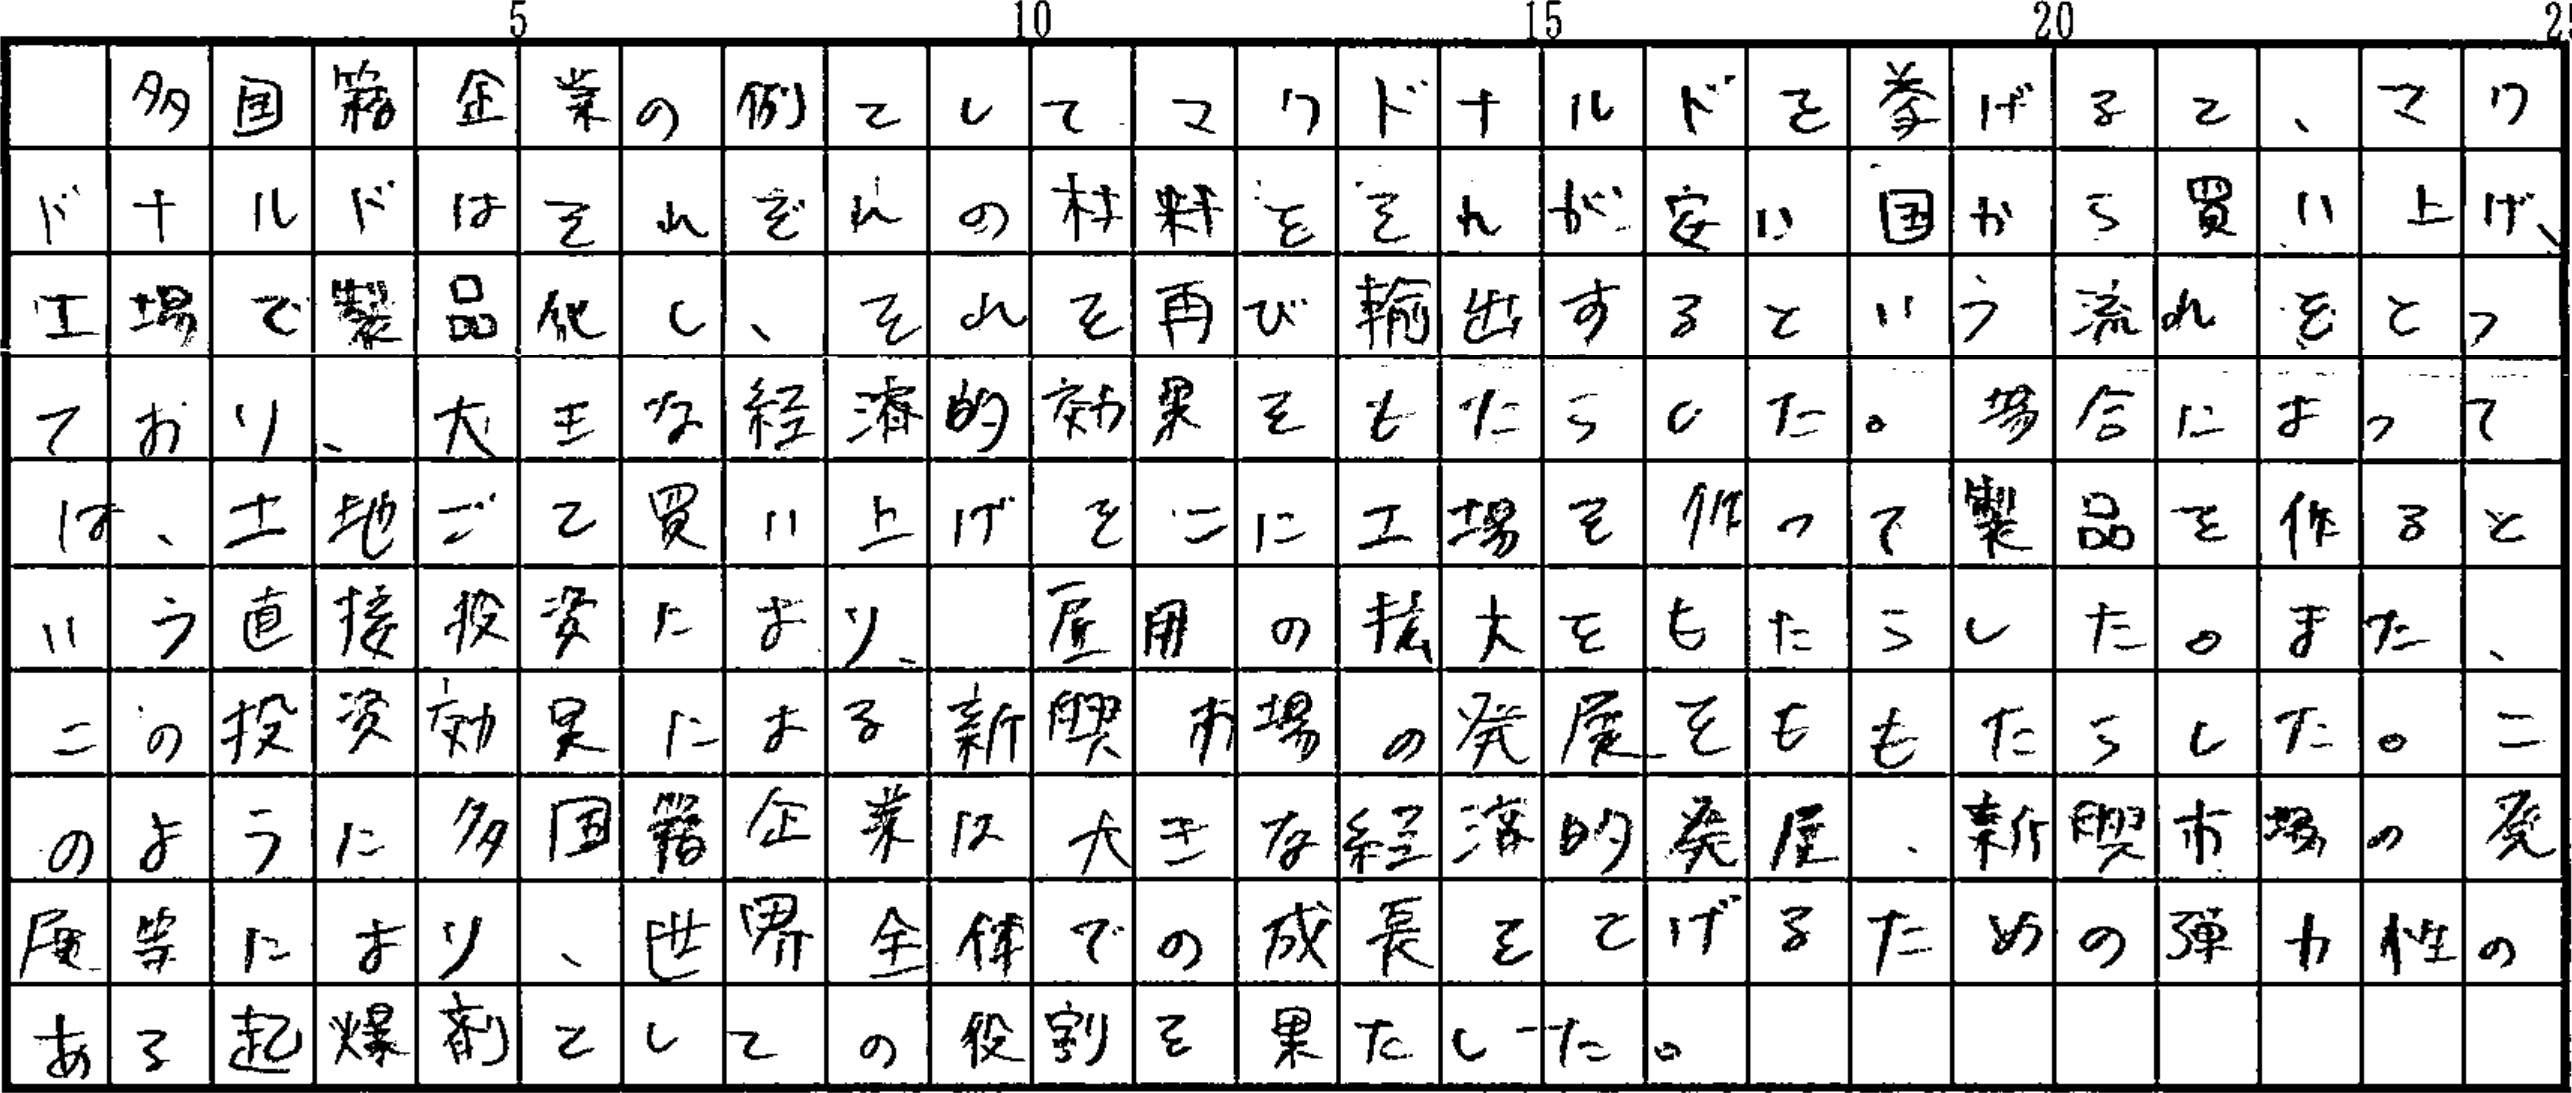　多国籍企業の例としてマクドナルドを挙げると、マクドナルドはそれぞれの材料をそれが安い国から買い上げ、工場で製品化し、それを再び輸出するという流れをとっており、大きな経済的効果をもたらした。場合によっては、土地ごと買い上げそこに工場を作って製品を作るという直接投資により、雇用の拡大をもたらした。また、この投資効果による新興市場の発展をもたらした。このように多国籍企業は大きな経済的発展・新興市場の発展等により、世界全体での成長をとげるための弾力性のある起爆剤としての役割を果たした。
